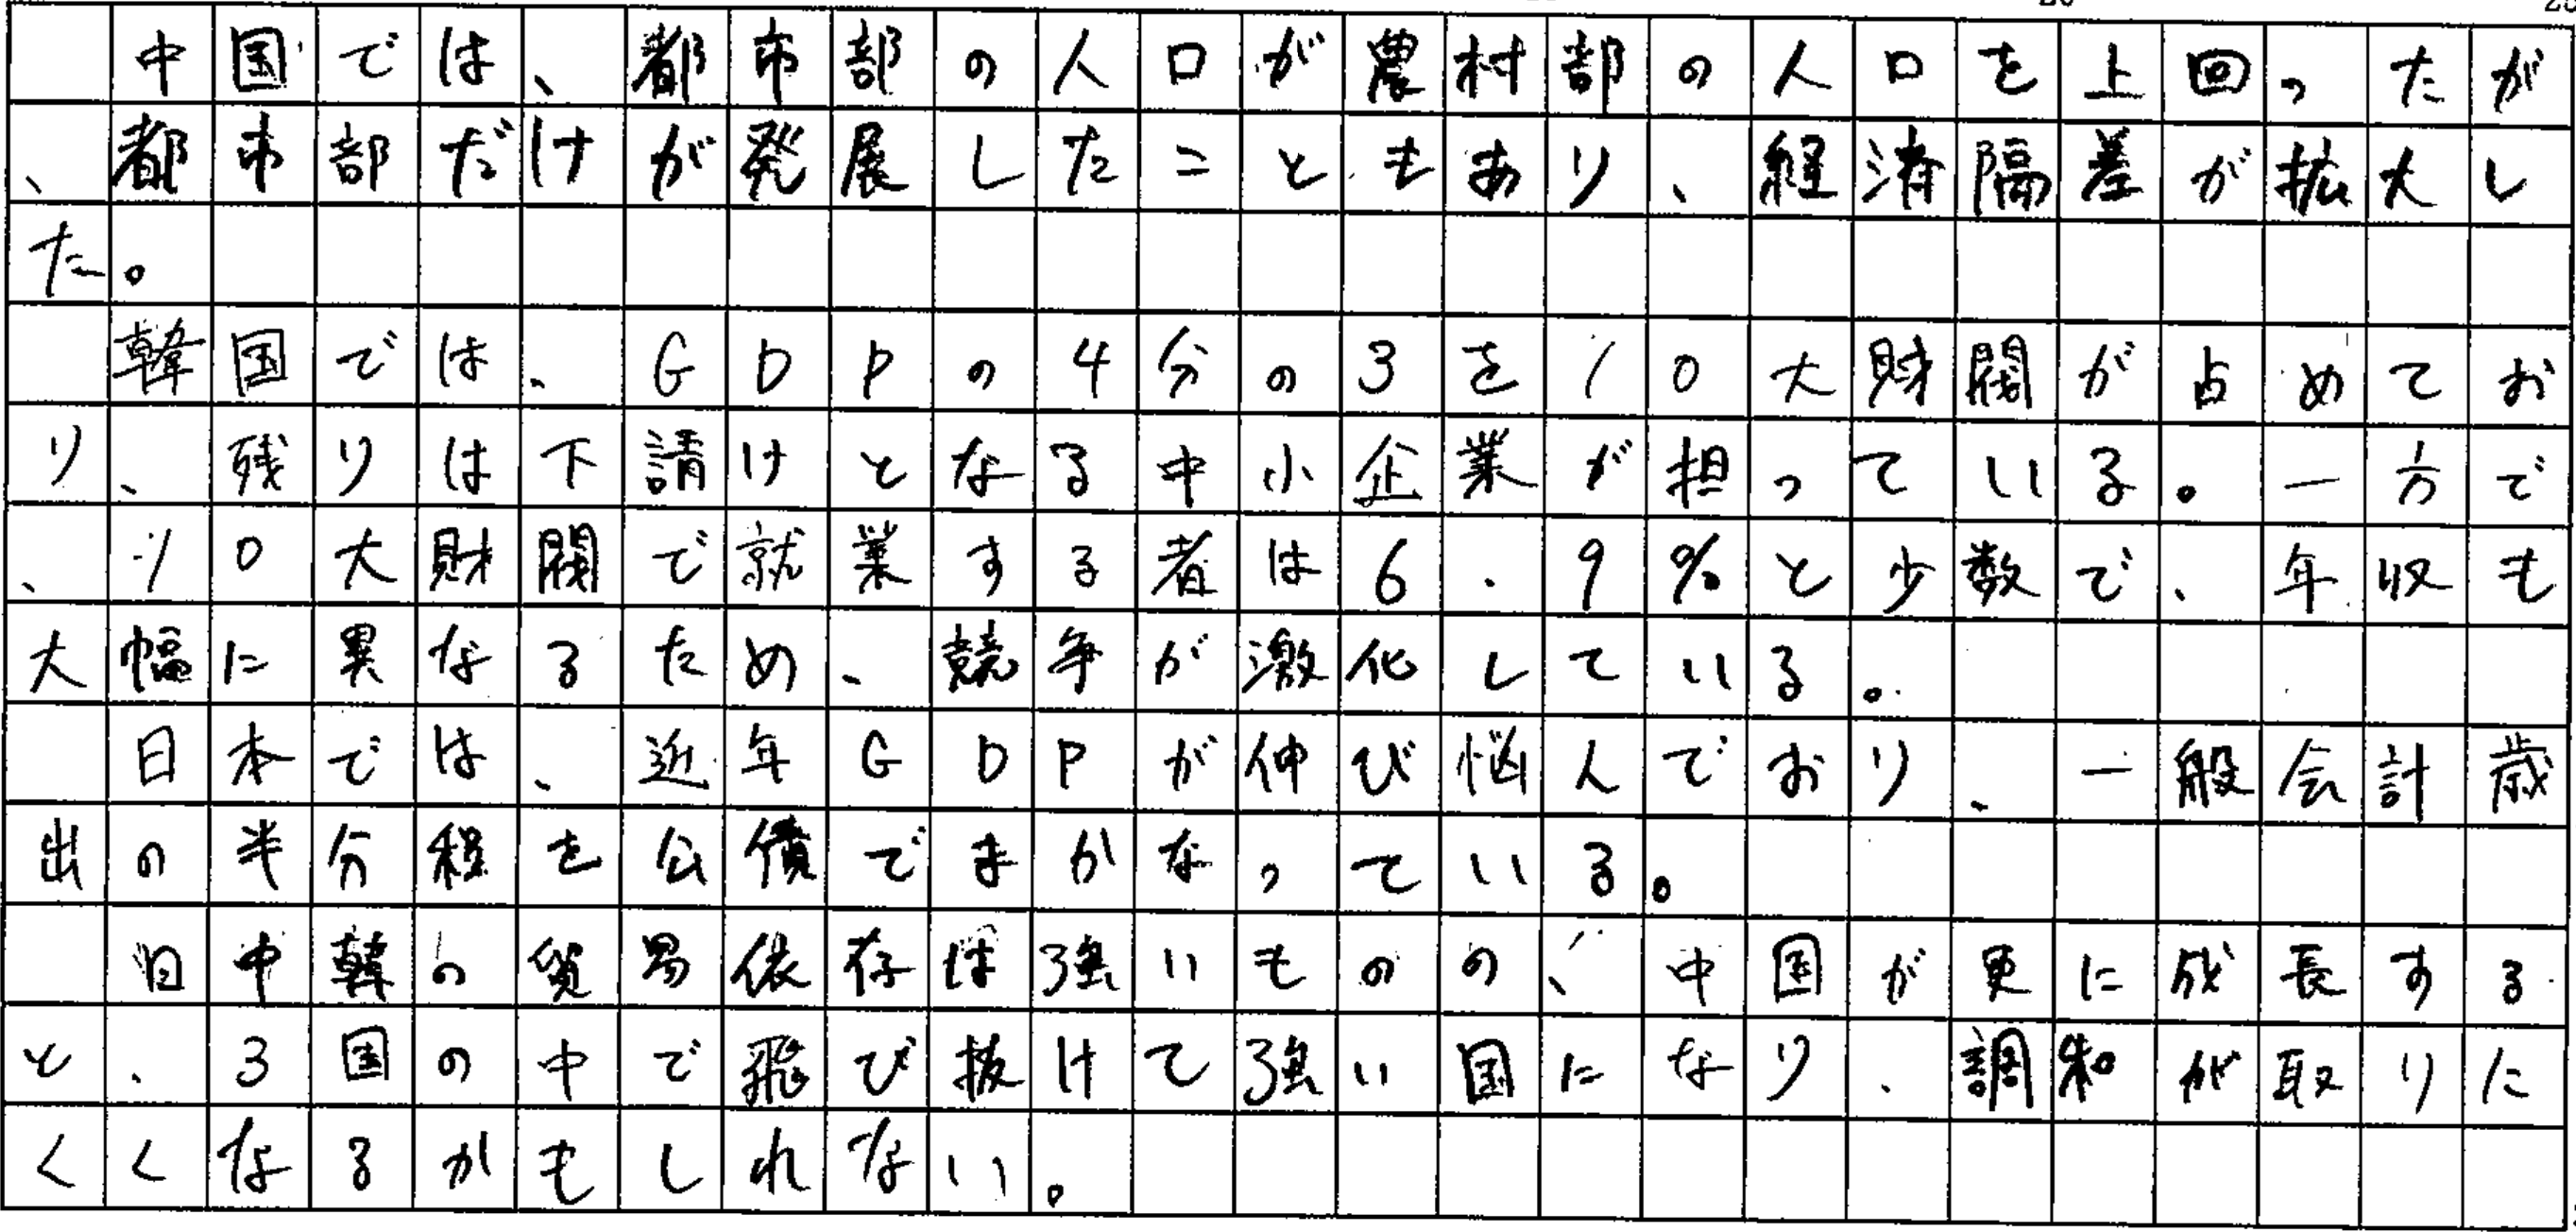　中国では、都市部の人口が農村部の人口を上回ったが、都市部だけが発展したこともあり、経済隔差が拡大した。
　韓国では、ＧＤＰの４分の３を１０大財閥が占めており、残りは下請けとなる中小企業が担っている。一方で、１０大財閥で就業する者は６．９％と少数で、年収も大幅に異なるため、競争が激化している。
　日本では、近年ＧＤＰが伸び悩んでおり、一般会計歳出の半分程を公債でまかなっている。
　日中韓の貿易依存は強いものの、中国が更に成長すると、３国の中で飛び抜けて強い国になり、調和が取りにくくなるかもしれない。
